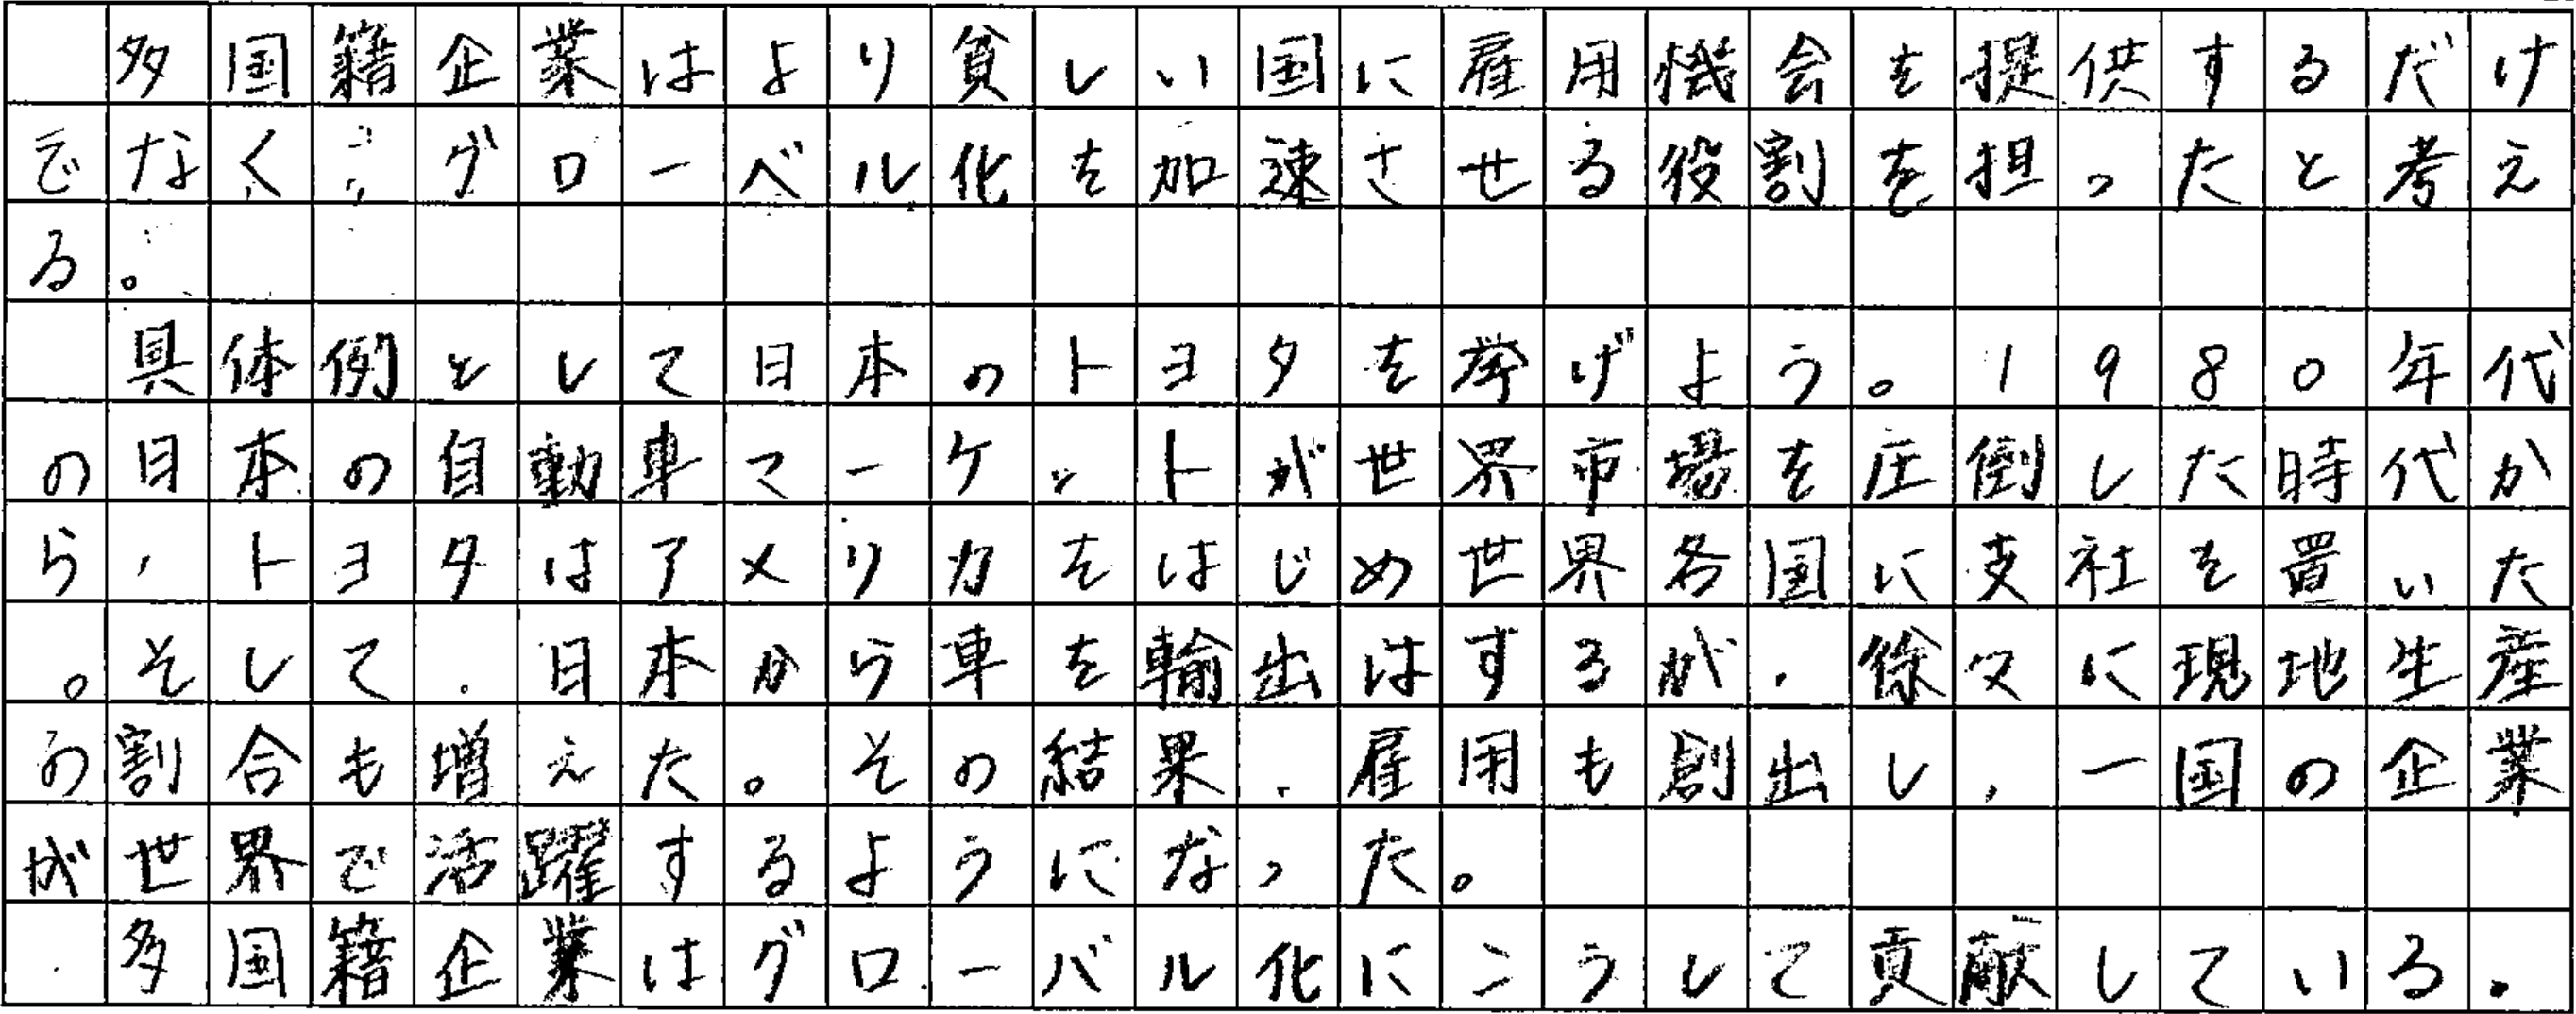　多国籍企業はより貧しい国に雇用機会を提供するだけでなく、グローベル化を加速させる役割を担ったと考える。
　具体例として日本のトヨタを挙げよう。１９８０年代の日本の自動車マーケットが世界市場を圧倒した時代から、トヨタはアメリカをはじめ世界各国に支社を置いた。そして、日本から車を輸出はするが、徐々に現地生産の割合も増えた。その結果、雇用も創出し、一国の企業が世界で活躍するようになった。
　多国籍企業はグローバル化にこうして貢献している。
